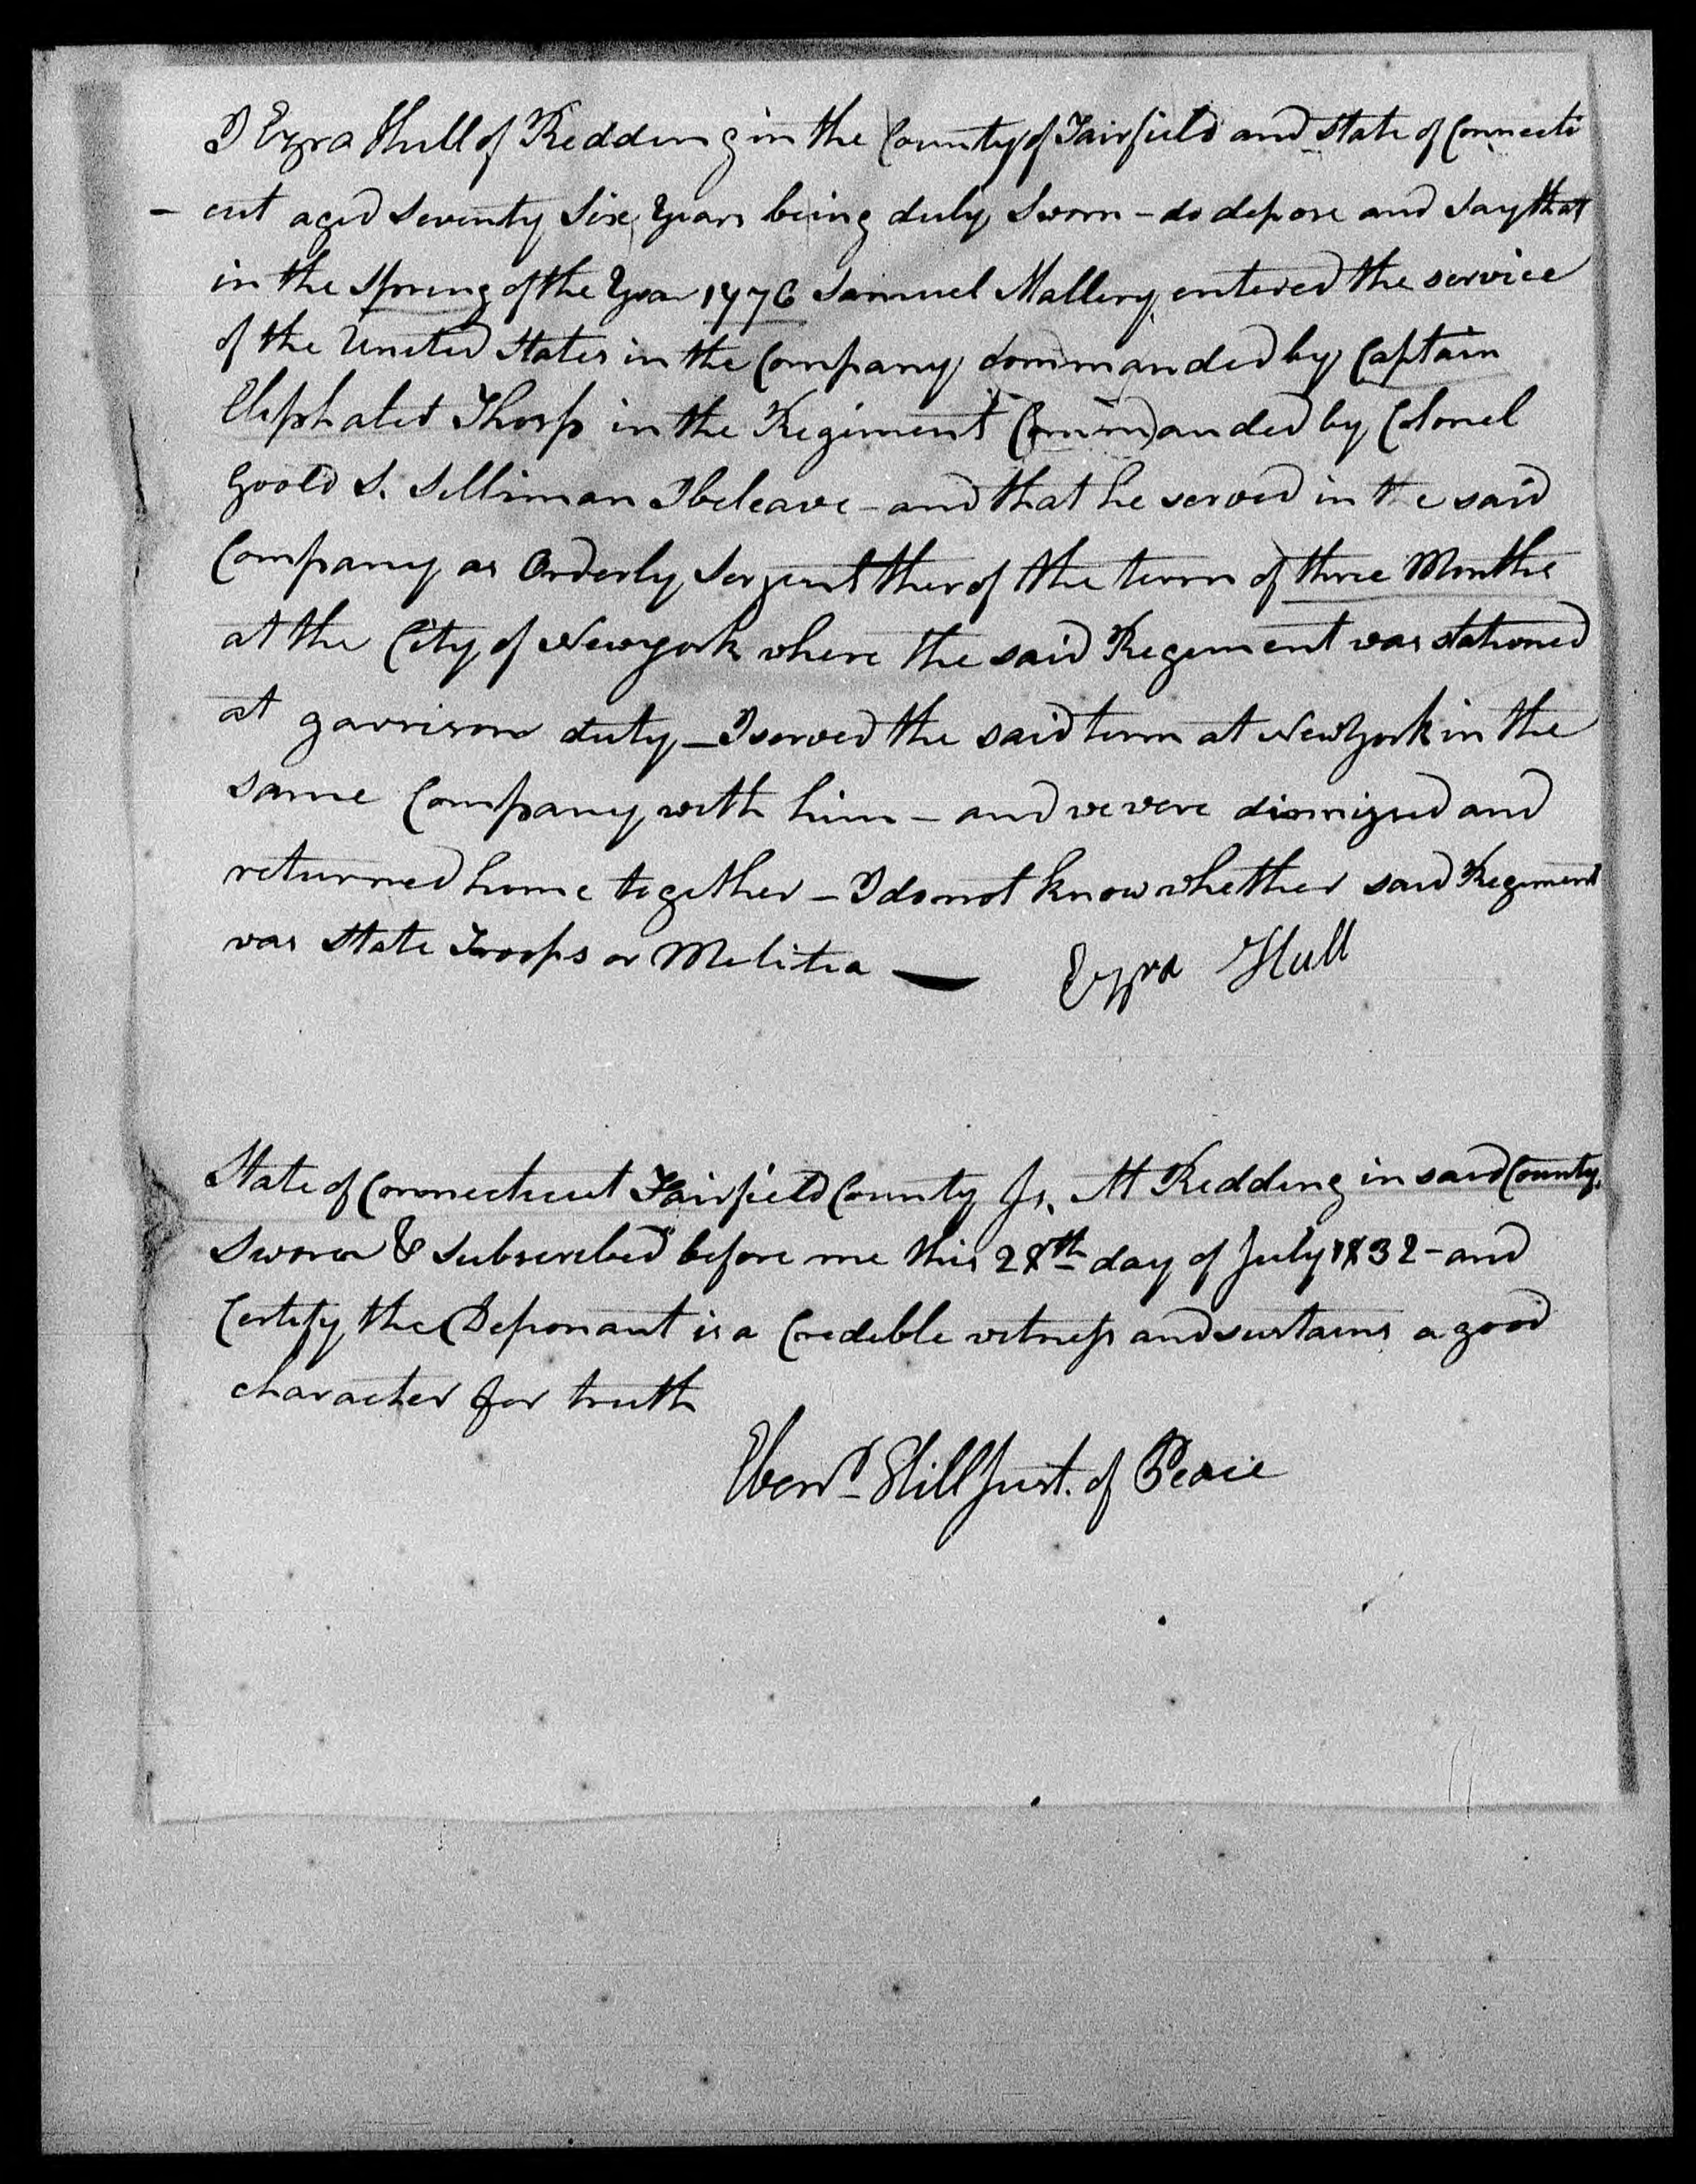I Ezra Hull of Redding in the County of Fairfield and State of Connecticut aged seventy six years being duly sworn do depose and say that in the spring of the year 1776 Samuel Mallery entered the service of the of the united States in the Company commanded by Captain Eliphalet Thorp in the Regiment commanded by Colonel Gold S. Silliman.  I believe and that he served in the said Company as orderly Sergent thereof the term of three months at the City of New York where the said Regiment was stationed at Garrison duty.  I served the said term at New York in the same Company with him and we were dismissed and returned home together.   I do not know whether said Regiment was State Troops or Militia.  
Ezra Hull 
State of Connecticut 
Fairfield County Ss. At Redding in County,  Sworn & Subscribed before me this 28th day of July 1832 and Certify the Deponant is a credible witness and sustains a good character for truth. Ebenr Hill Just of Peace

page: 17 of 29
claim: survivor's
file: S. 23,312, for Samuel Mallery, Connecticut